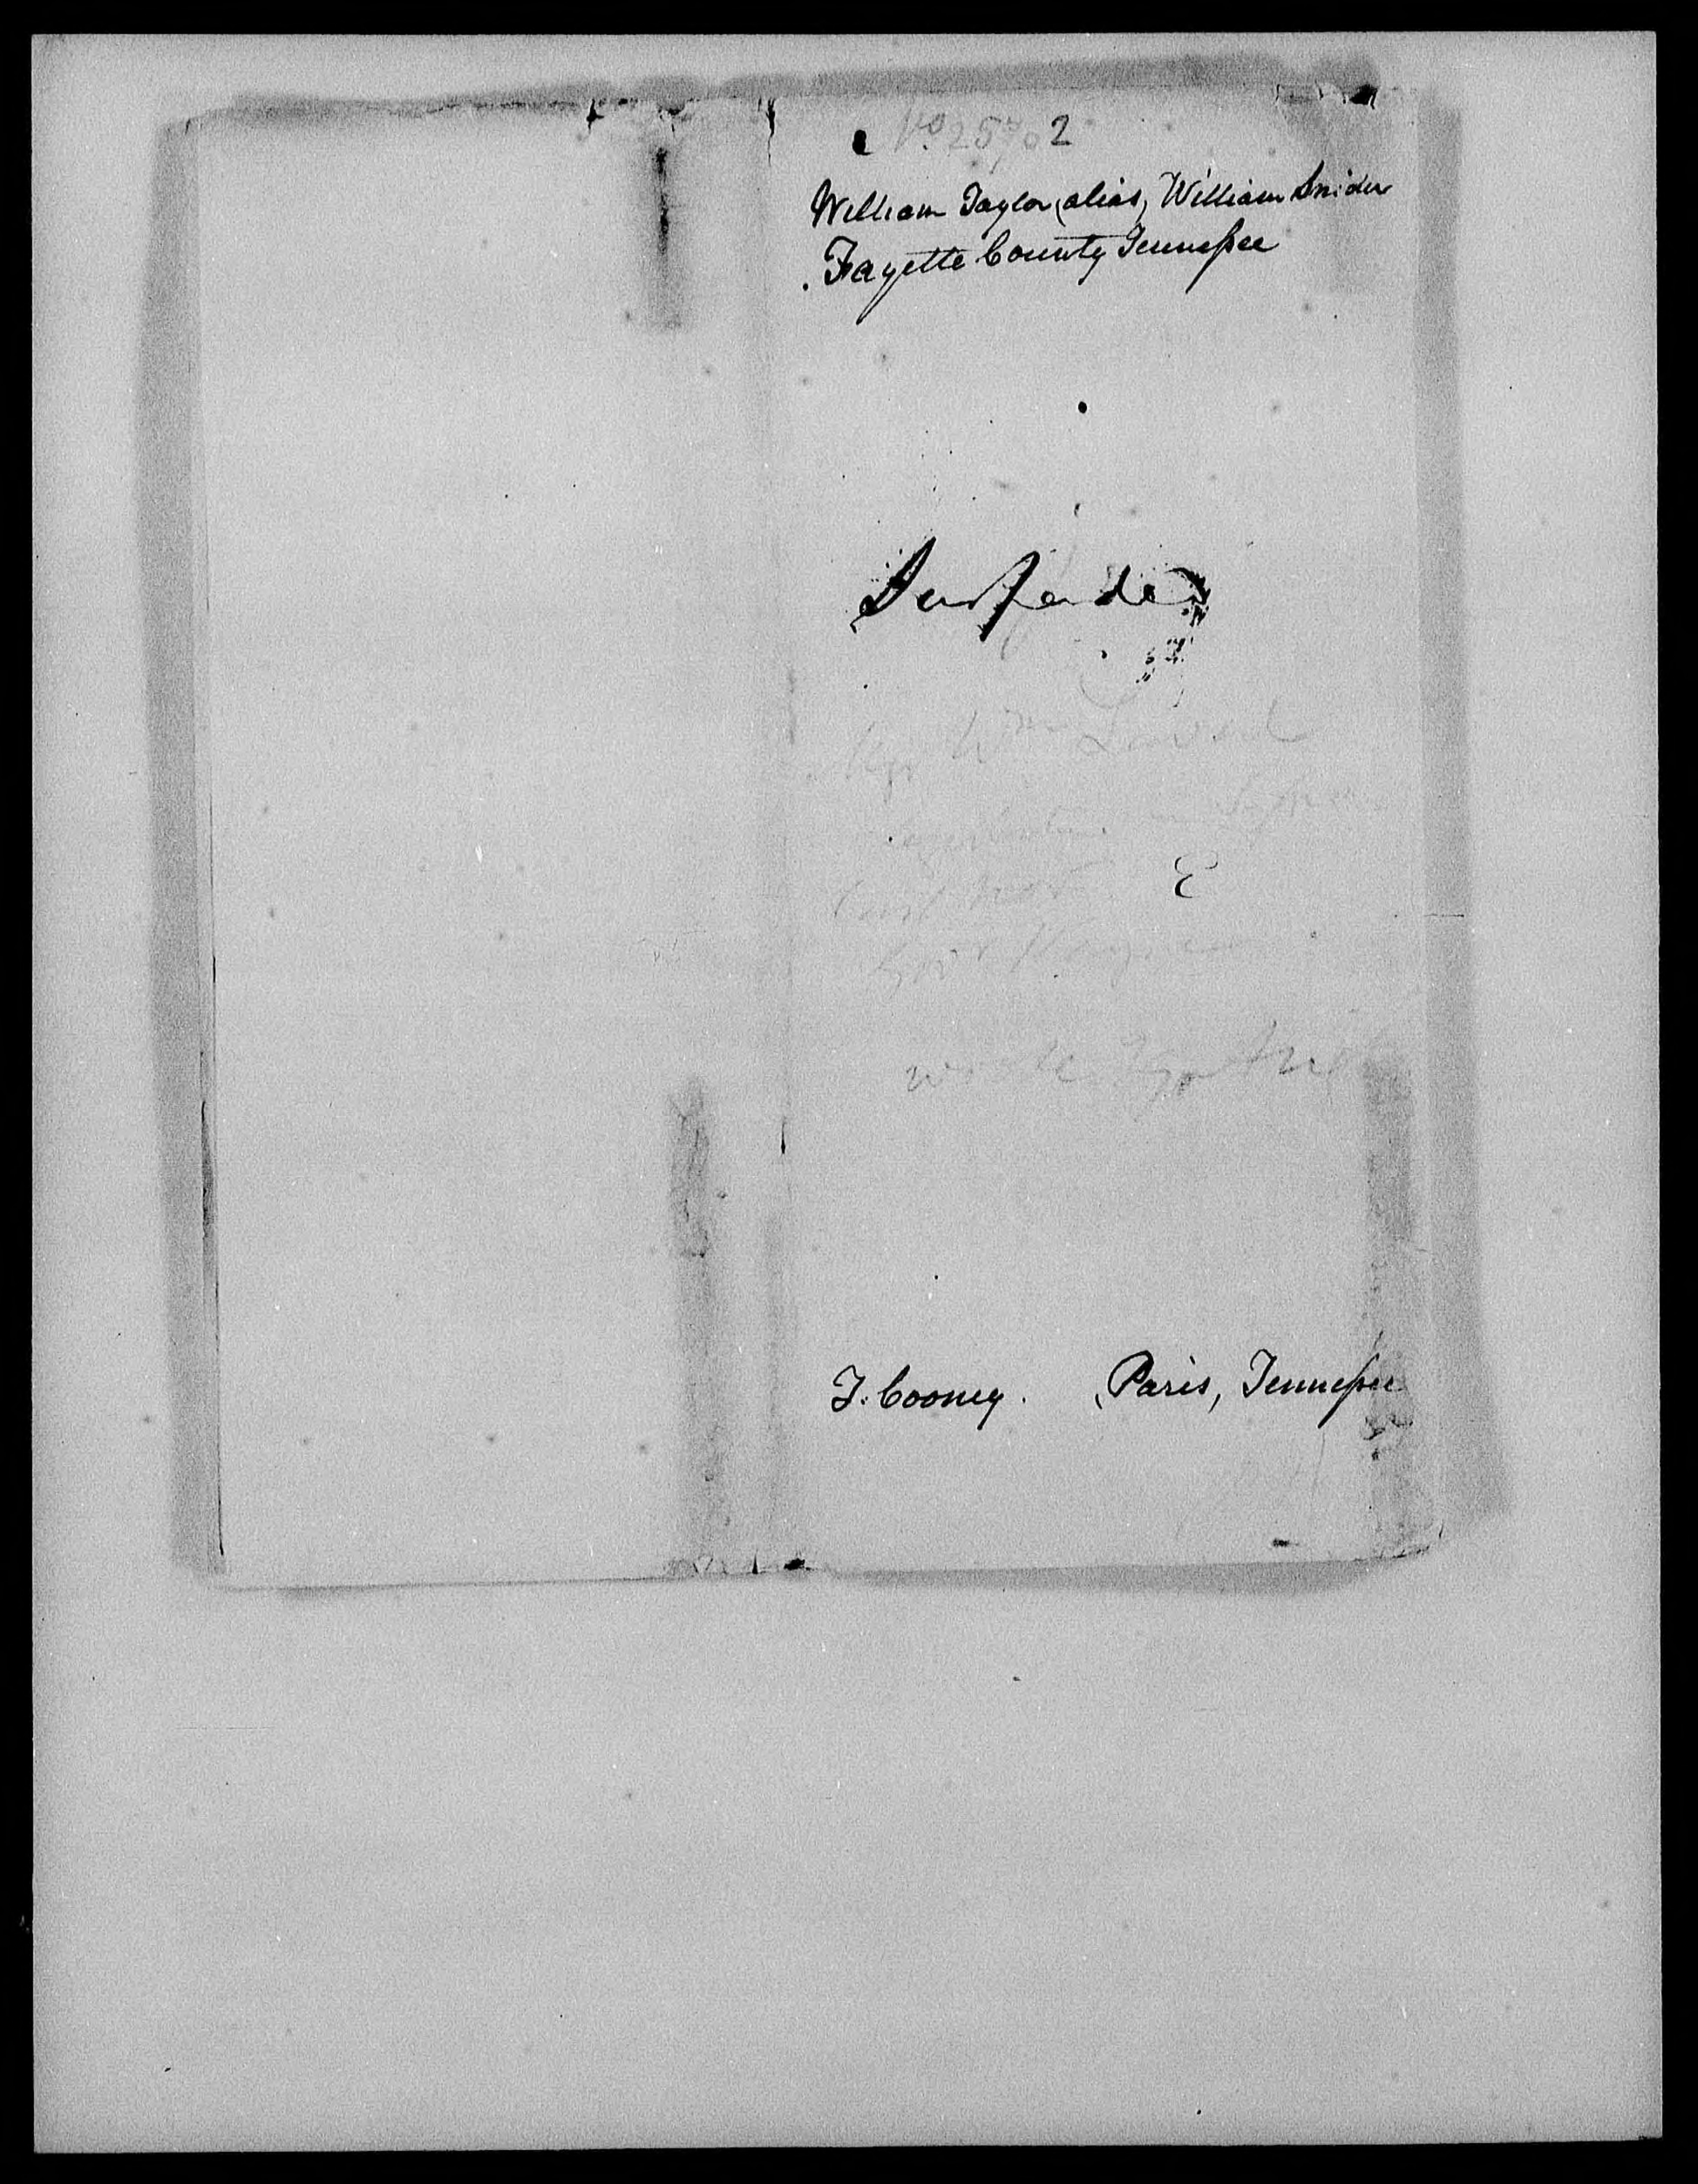No 25702
William Taylor (alias) William Snider
Fayette County Tennessee

Suspended

[faint writing that can't be transcribed from image}

T. Cooney
Paris, Tennessee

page: 9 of 33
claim: rejected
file: R 10439, for William Taylor, North Carolina